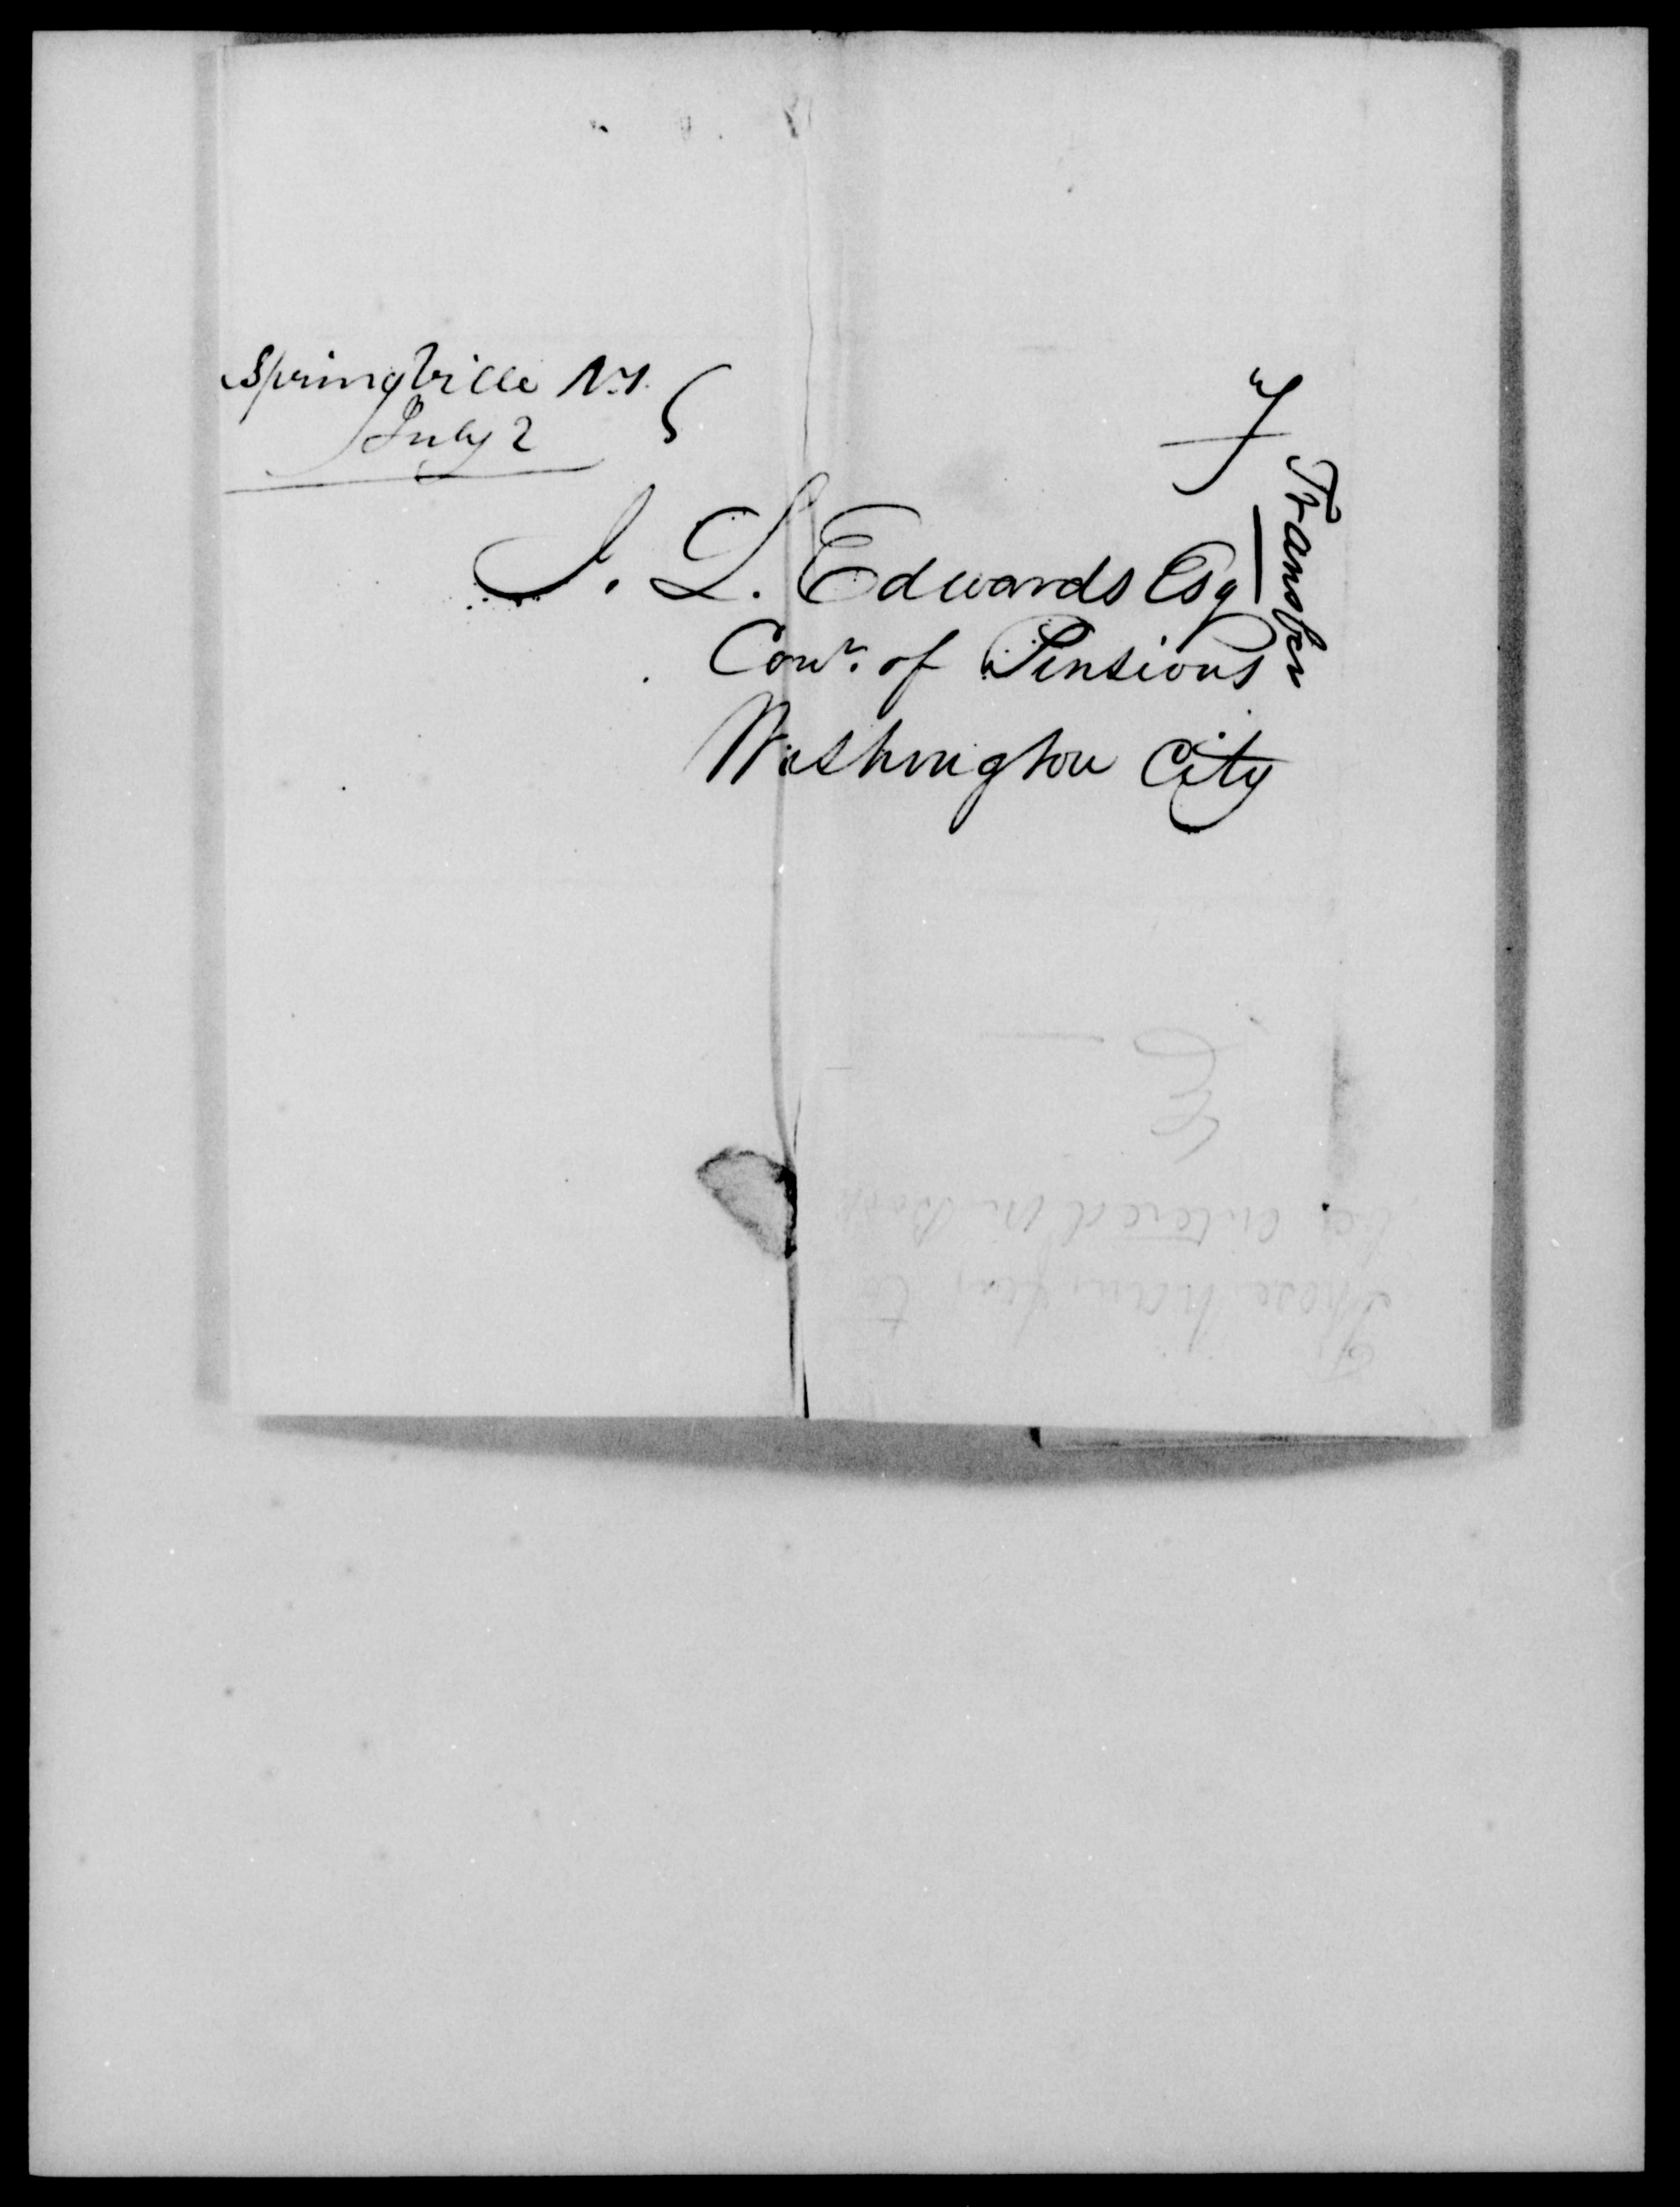Springville N.Y.
July 2
J. L. Edwards Esq
Comr of Pensions
Washington City
Transfer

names: J L Edwards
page: 30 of 31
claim: survivor's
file: S. 14484, for Sylvanus Simmons, New York